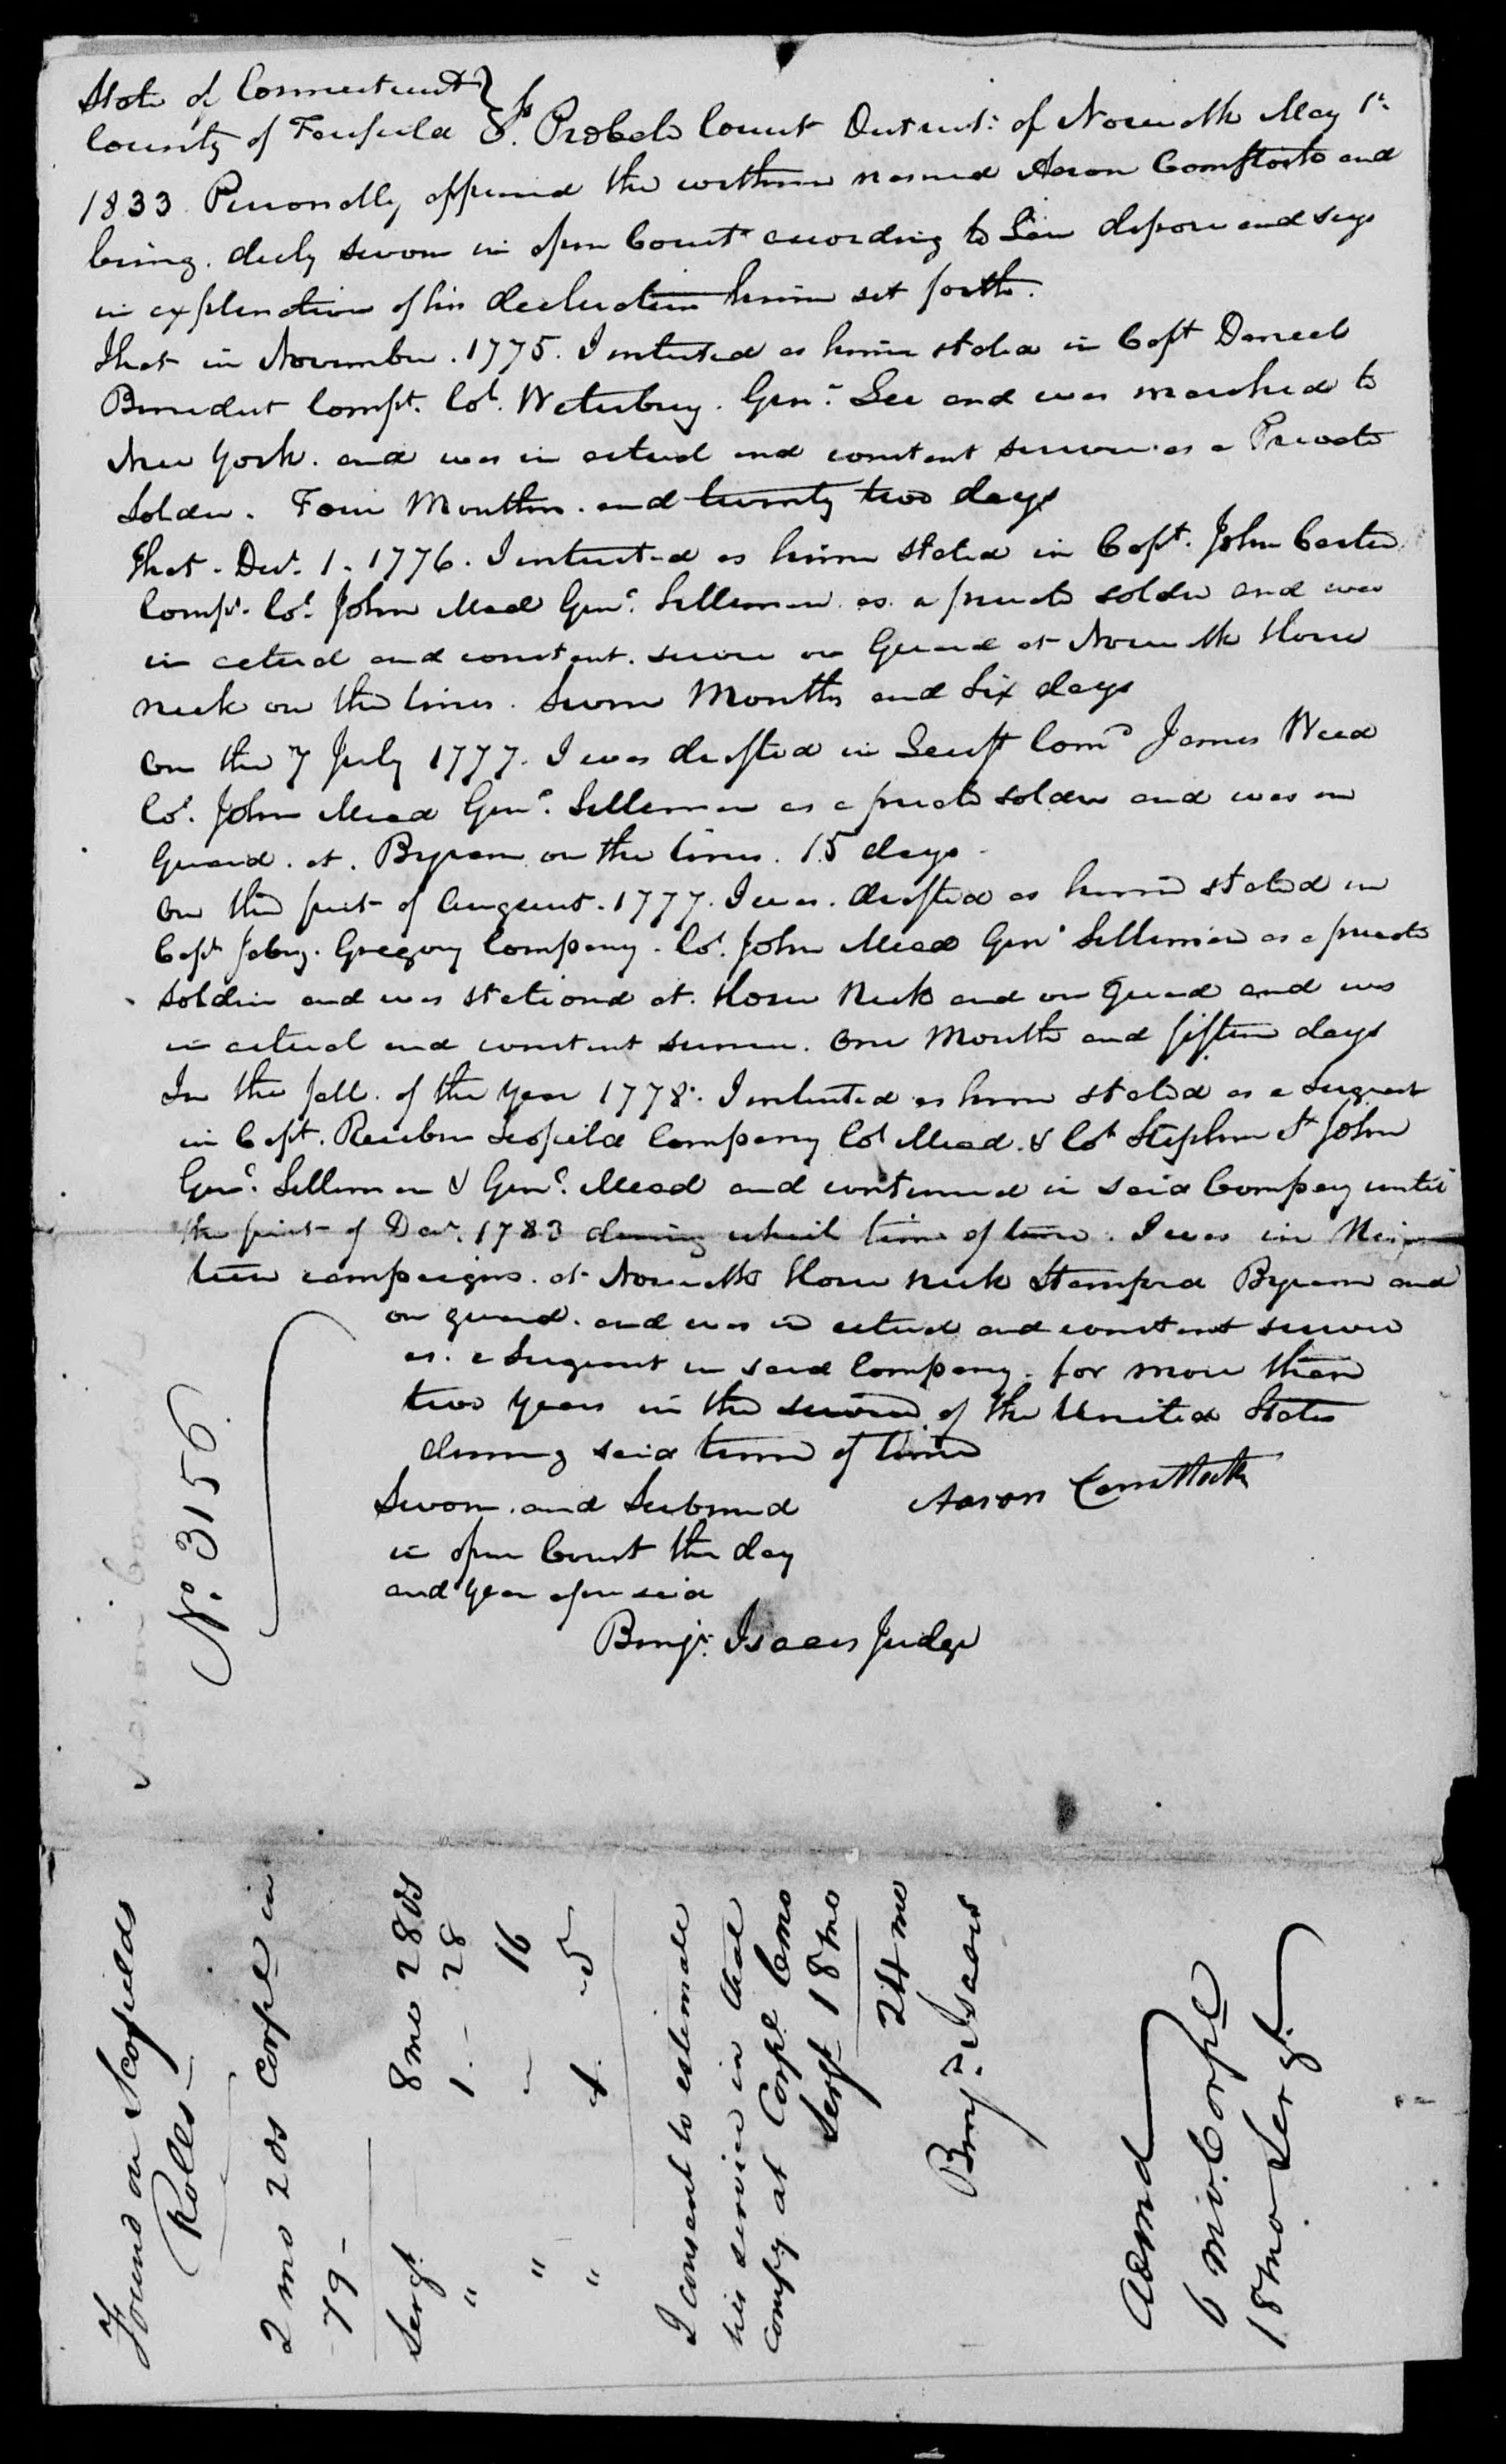State of Connecticut
County of Fairfield Ss. Probate Court District of Norwalk May 1st 1833 Personally appeared the within named Aaron Comstock and being duly sworn in open Court according to Law deposes and says in explanation of his declaration herein set forth.
That in November 1775 I enlisted as herein stated in Capt Daniel Benedict Compy. Col. Waterbury Genl. See and was marched to New York and was in actual and constant service as a Private Soldier. Four Months and twenty [crossed out] two days
That Decr. 1. 1776 I enlisted as herein stated in Capt. John Coster Compy. Col. John Mead Genl. Silliman as a private soldier and was in actual and constant service on Guard at Norwalk Horse neck on the lines. Seven Months and six days
On the 7 July 1777 I was drafted in [illegible] Comd James Weed Col. John Mead Genl. Silliman as a private soldier and was on Guard at Byram on the lines. 15 days
On the first of August 1777 I was drafted as herein stated in Capt Jabez Gregory Company Col. John Mead Genl Silliman as a private soldier and was stationed at Horse Neck and on guard and was in actual and constant service. One Month and fifteen days
In the fall of the year 1778 I enlisted as herein stated as a sergeant in Capt. Reuben Scofield company Col Mead & Col Stephen St John Genl. Silliman & Genl. Mead and continued in said Company until the first of Decr. 1783 during which term of time I was in Nineteen campaigns at Norwalk Horse necks Stamford Byram and on guard. and was in actual and constant service as a Sergeant in said company for more than two years in the service of the United States during said term of time
Sworn and Subscribed Aaron Comstock
in open Court the day
and year aforesaid
Benjn Isaacs Judge

[remaining text sideways, same as page 6]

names: Mead, Selliman, Aaron Comstock, Selliman, John Mead, Selliman, John Mead, Stephen St John, Mead, Benjn Isaacs, Scofield, Aaron Comstock, Waterbery, Selliman, Lee, John Mead, Aaron Comstock, Benjn Isaacs, James Weed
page: 7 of 43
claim: widow's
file: W. 17,647, Aaron Comstock, Conn.